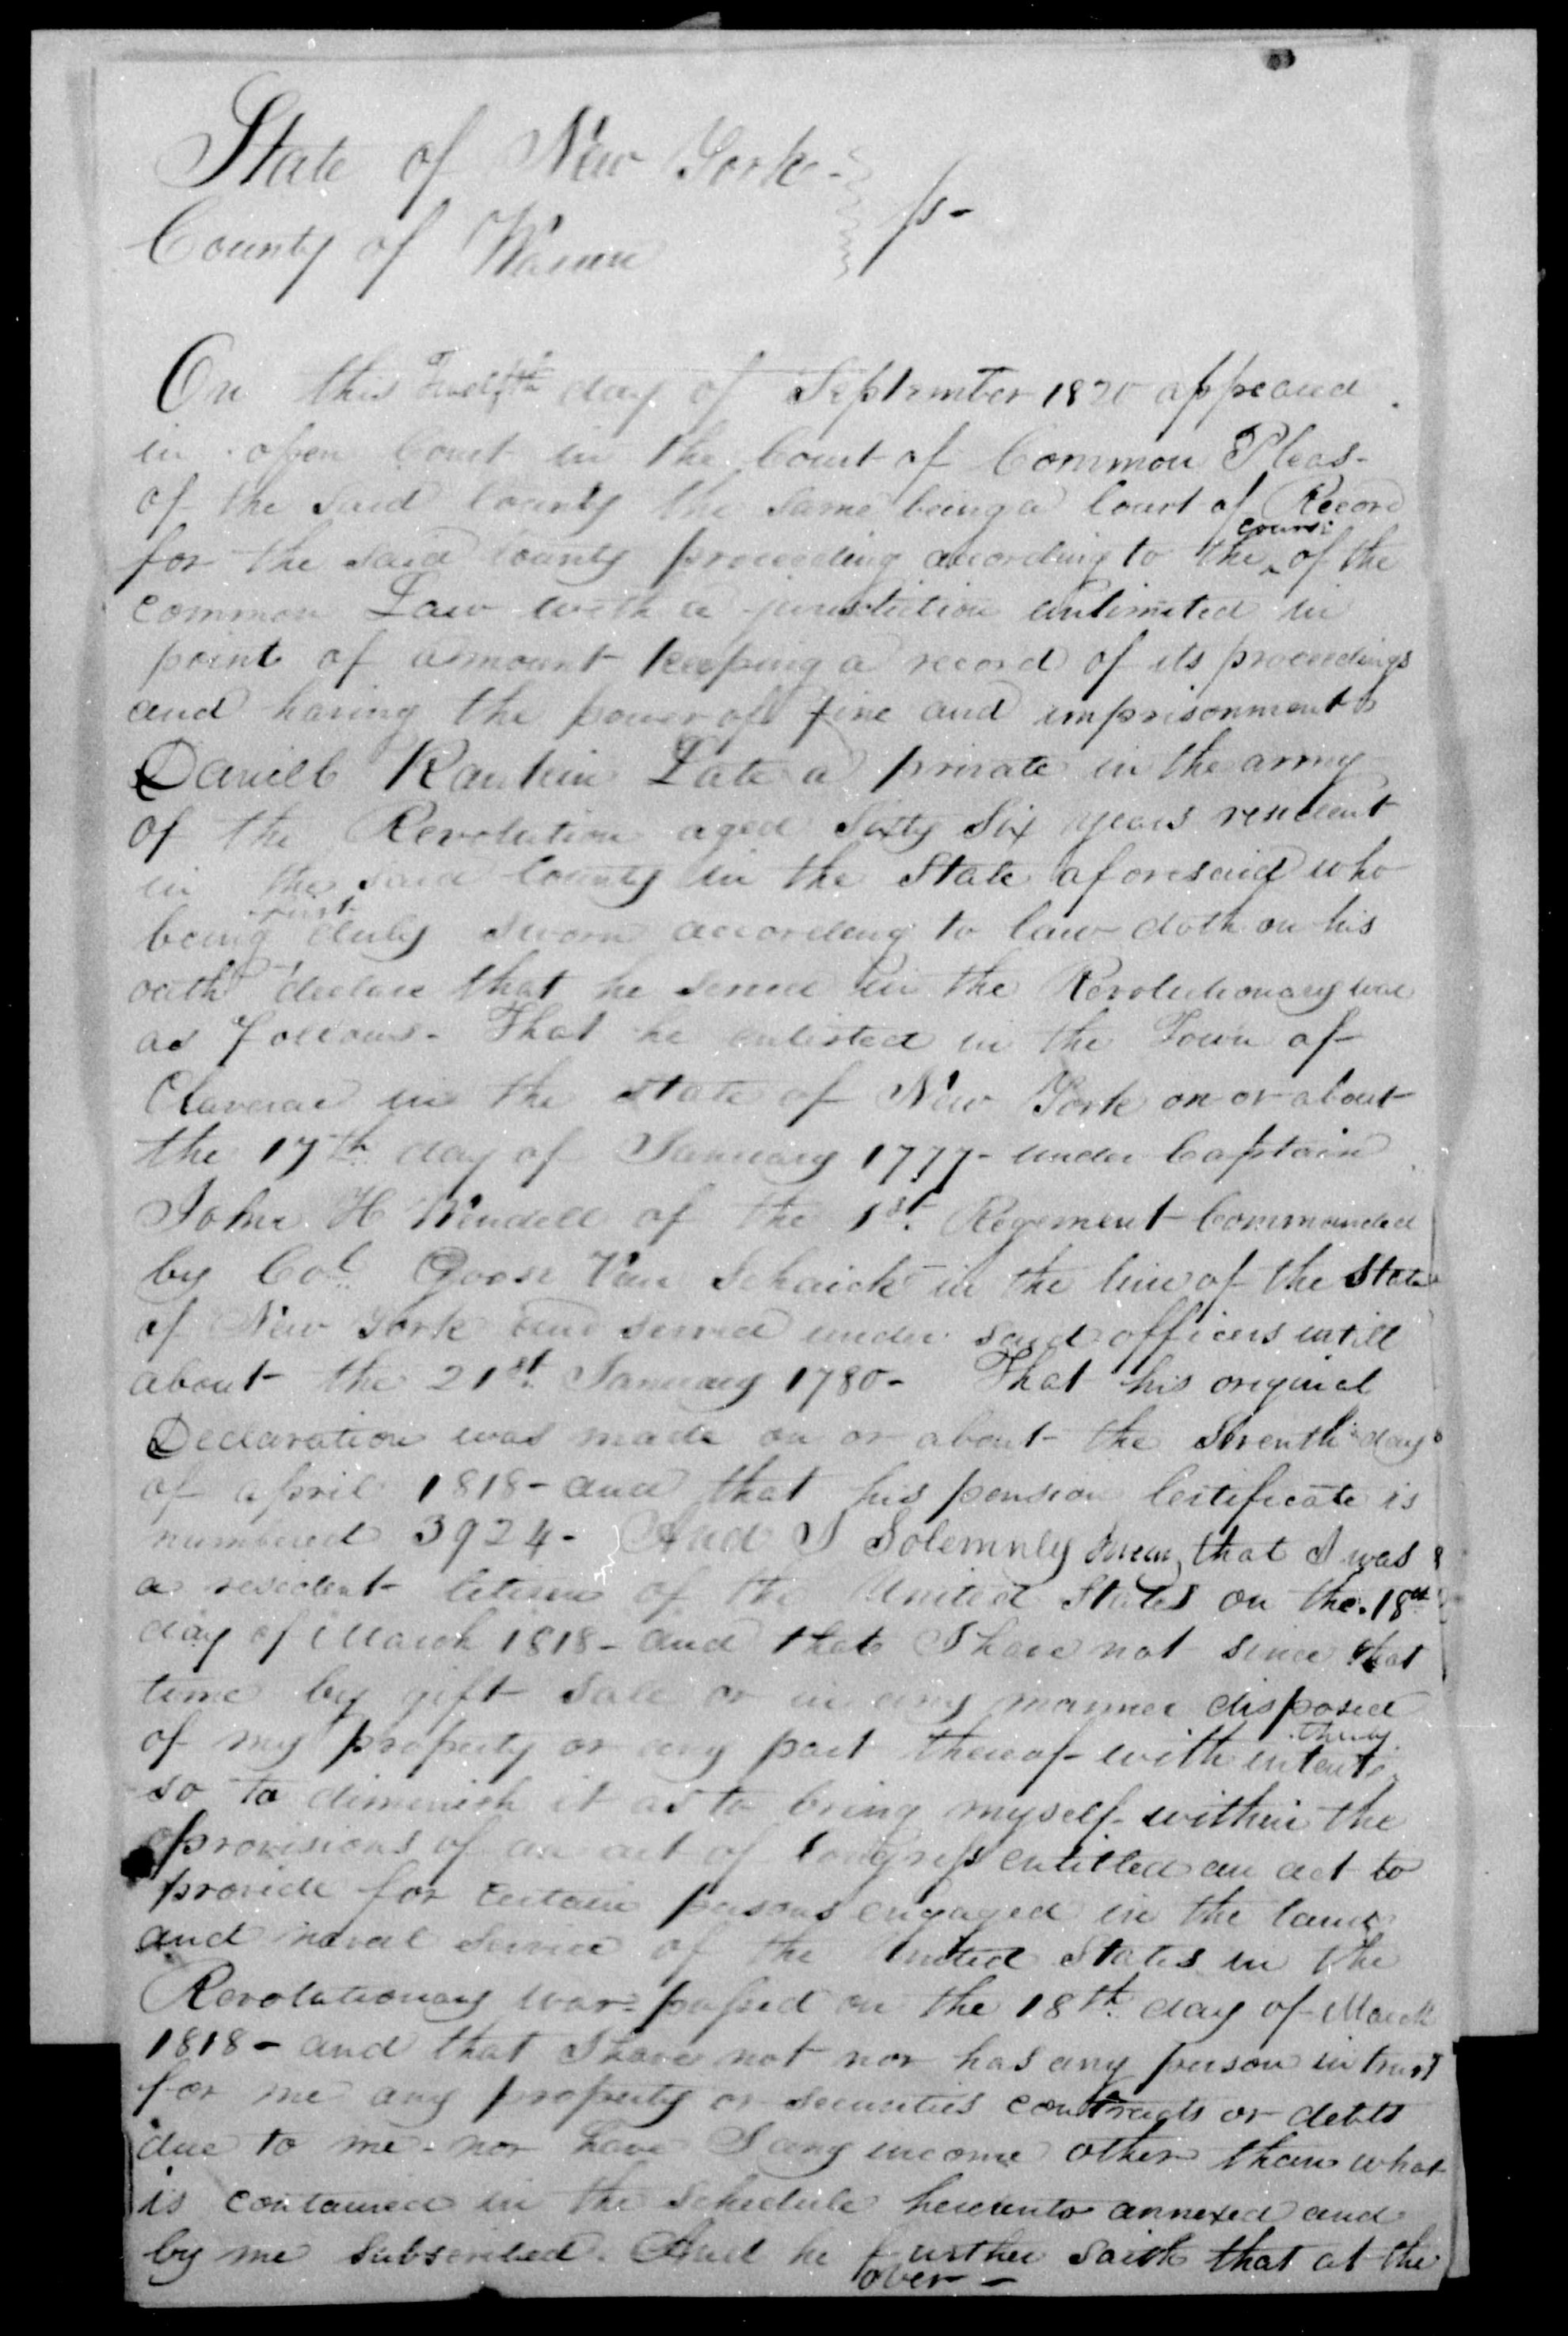State of New York County of Warren SS
On this 12th day of September 1820 appeared
in open court in the Court of Common Pleas of the said county the same being a Court of Record for the said county proceeding according to the course of the Common Law with a jurisdiction unlimited in point of amount keeping a record of its proceedings and having the power of fine and imprisonment Daniel Rankin late a private in the army of the Revolution aged sixty six years resident in the said county in the State aforesaid who being first duly sworn according to law doth on his oath declare that he served in the Revolutionary war as follows - That he enlisted in the Town of Claverac in the state of New York on or about the 17th day of January 1777 - under Captain John H Wendell of the 1st Regiment commanded by Col Goose Van Schaick in the line of the State of New York and served under said officers untill about the 21st January 1780 - That his original declaration was made on or about the seventh day of April 1818 - and that his pension certificate is numbered 3924 - And I solemnly swear that I was a resident citizen of the United State on the 18th day of March 1818 - and that I have not since that time by gift sale or in any manner disposed of my property or any part thereof - with intent thereby so to diminish it as to bring myself within the provisions of an act of Congress entitled an act to provide for certain persons engaged in the land and naval service of the United States in the Revolutionary war passed on the 18th day of March 1818 - and that I have not nor has any person in trust for me any property or securities contracts or debts due to me - nor have I any income other than  what is contained in the schedule hereunto annexed and by me subscribed. And he further saith that at the 
over---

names: John H Wendell; Daniel Rankin; Goose Van Schaick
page: 12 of 27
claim: survivor's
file: S. 43897, for Daniel Rankin, New York